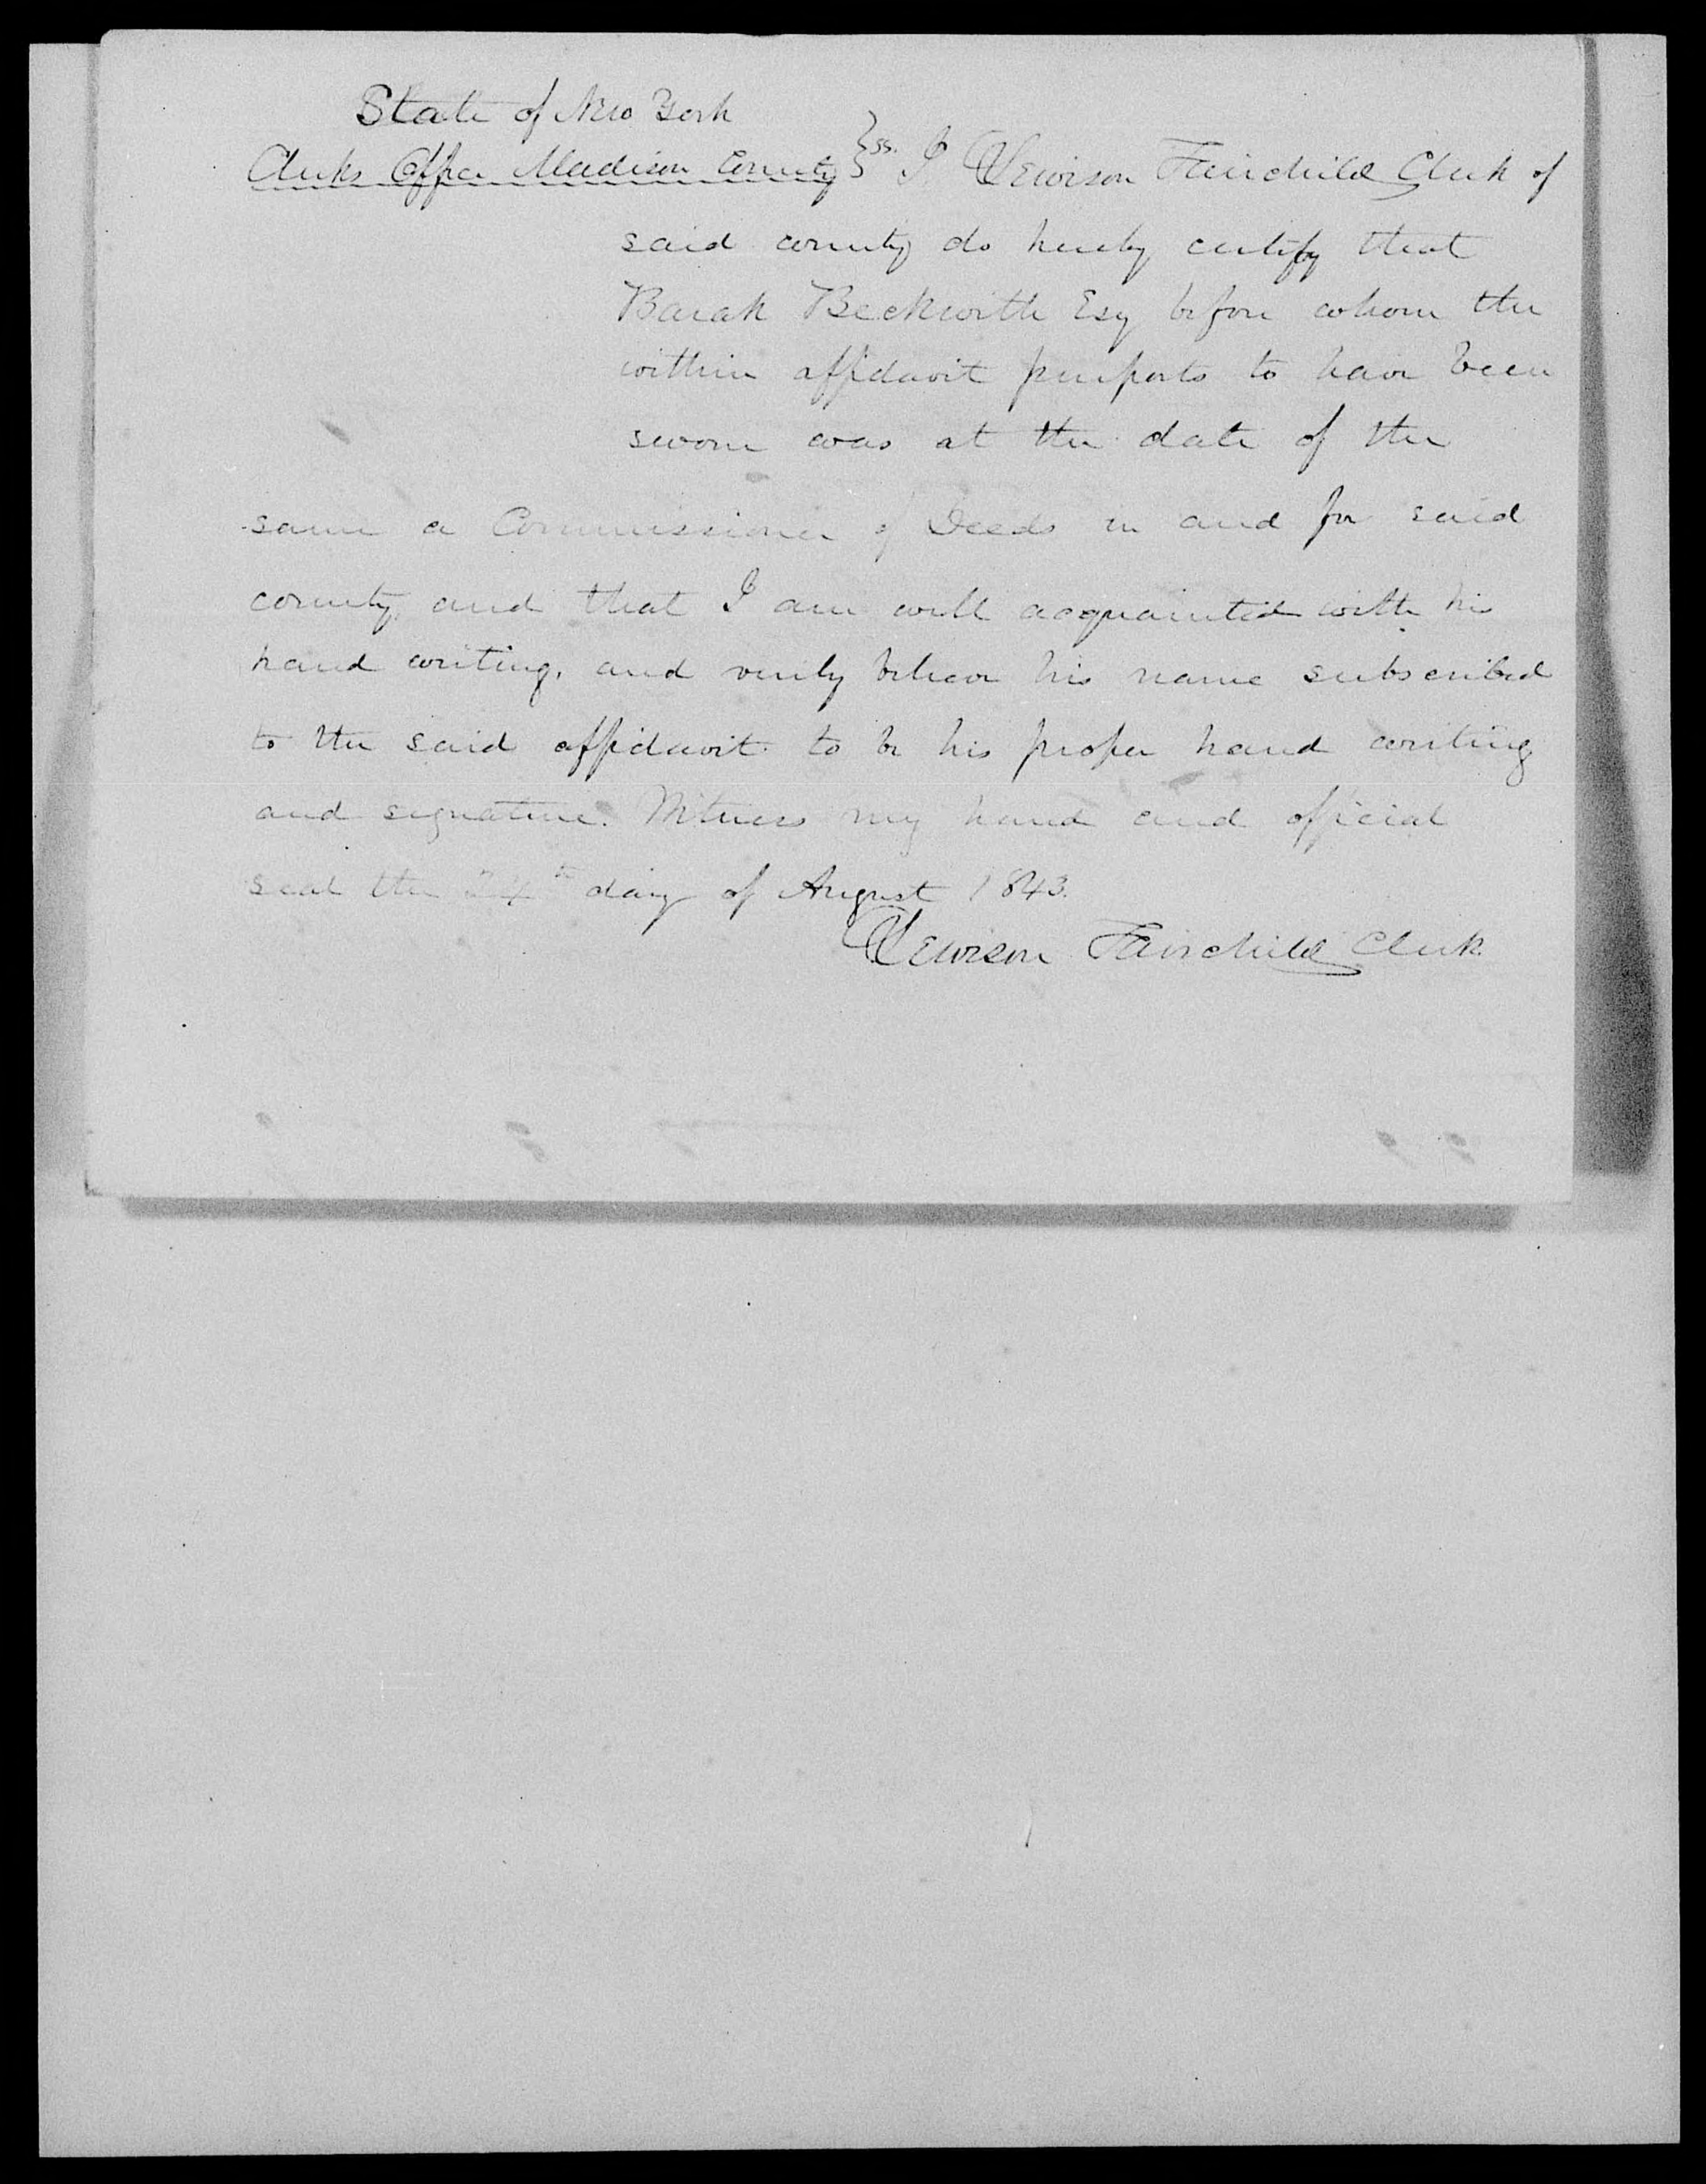State of New York
Clerks Office Madison County ss I Lewison Fairchild Clerk of said county do hereby certify that Barak Beckwith Esq before whom the within affidavit purports to have been sworn was at the date of the same a Commissioner of Deeds in and for said county and that I am well acquainted with his hand writing, and verily believe his name subscribed to the said affidavit to be his proper hand writing and signature. Witness my hand and official seal the 24th day of August 1843.
Lewison Fairchild Clerk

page: 36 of 40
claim: widow's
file: W. 24,615, for Ebenezer Lyon, Connecticut